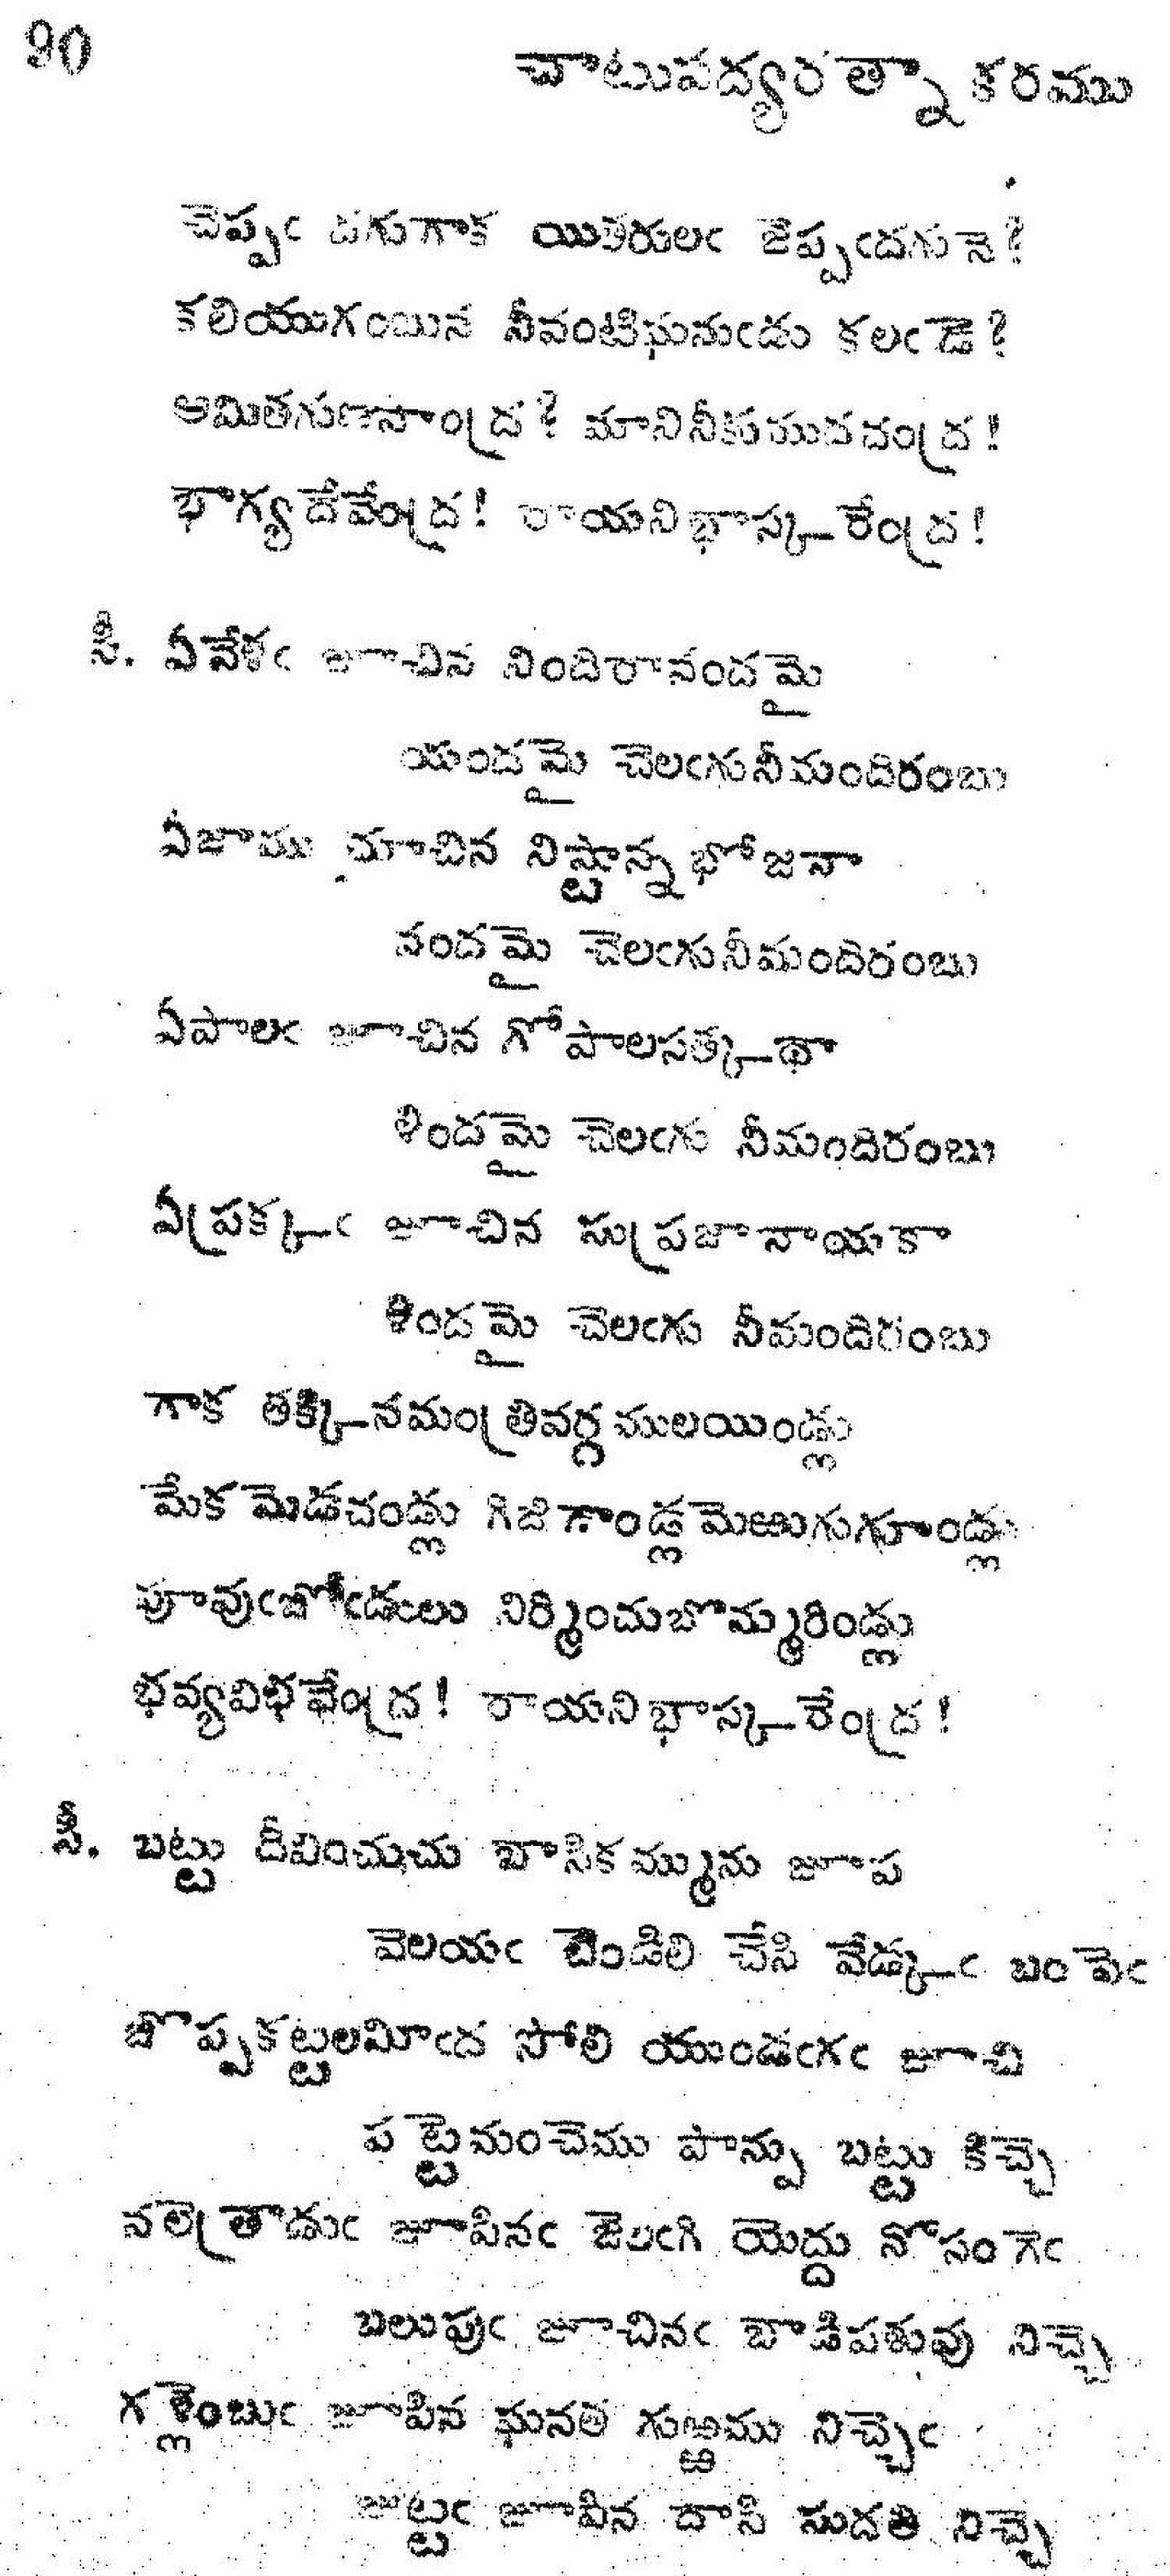గీ. చెప్పఁ దగుఁగాక యితరులఁ జెప్పఁదగునె?
 కలియుగంబున నీవంటిఘనుఁడు కలఁడె?
 అమితగుణసాంద్ర! మానినీకుముదచంద్ర!
 భాగ్యదేవేంద్ర! రాయనిభాస్కరేంద్ర!

సీ. ఏవేళఁ జూచిన నిందిరానందమై
 యందమై చెలఁగు నీమందిరంబు
 ఏజాముఁ జూచిన నిష్టాన్నభోజనా
 నందమై చెలఁగు నీమందిరంబు
 ఏపాలఁ జూచిన గోపాలసత్కథా
 ళిందమై చెలఁగు నీమందిరంబు
 ఏప్రక్కఁ జూచిన సుప్రజానాయకా
 ళిందమై చెలఁగు నీమందిరంబు
 గాక తక్కినమంత్రివర్గములయిండ్లు
 మేకమెడచండ్లు గిజిగాండ్లమెఱుగుగూండ్లు
 పూవుఁబోఁడులు నిర్మించు బొమ్మరిండ్లు
 భవ్యవిభవేంద్ర! రాయనిభాస్కరేంద్ర!

సీ. బట్టు దీవించుచు బాసికంబును జూప
 వెలయఁ బెండిలి చేసి వేడ్కఁ బంపెఁ
 జొప్పకట్టలమీఁద సోలియుండఁగఁ జూచి
 పట్టెమంచము పాన్పు బట్టు కిచ్చె
 వలెత్రాడుఁ జూపినఁ జెలఁగి యెద్దు నొసంగెఁ
 బలుపుఁ జూచినఁ బాడిపశువు నిచ్చెఁ
 గళ్ళెంబుఁ జూపిన ఘనత గుఱ్ఱము నిచ్చె
 జుట్టఁ జూపిన దాసి సుదతి నిచ్చె